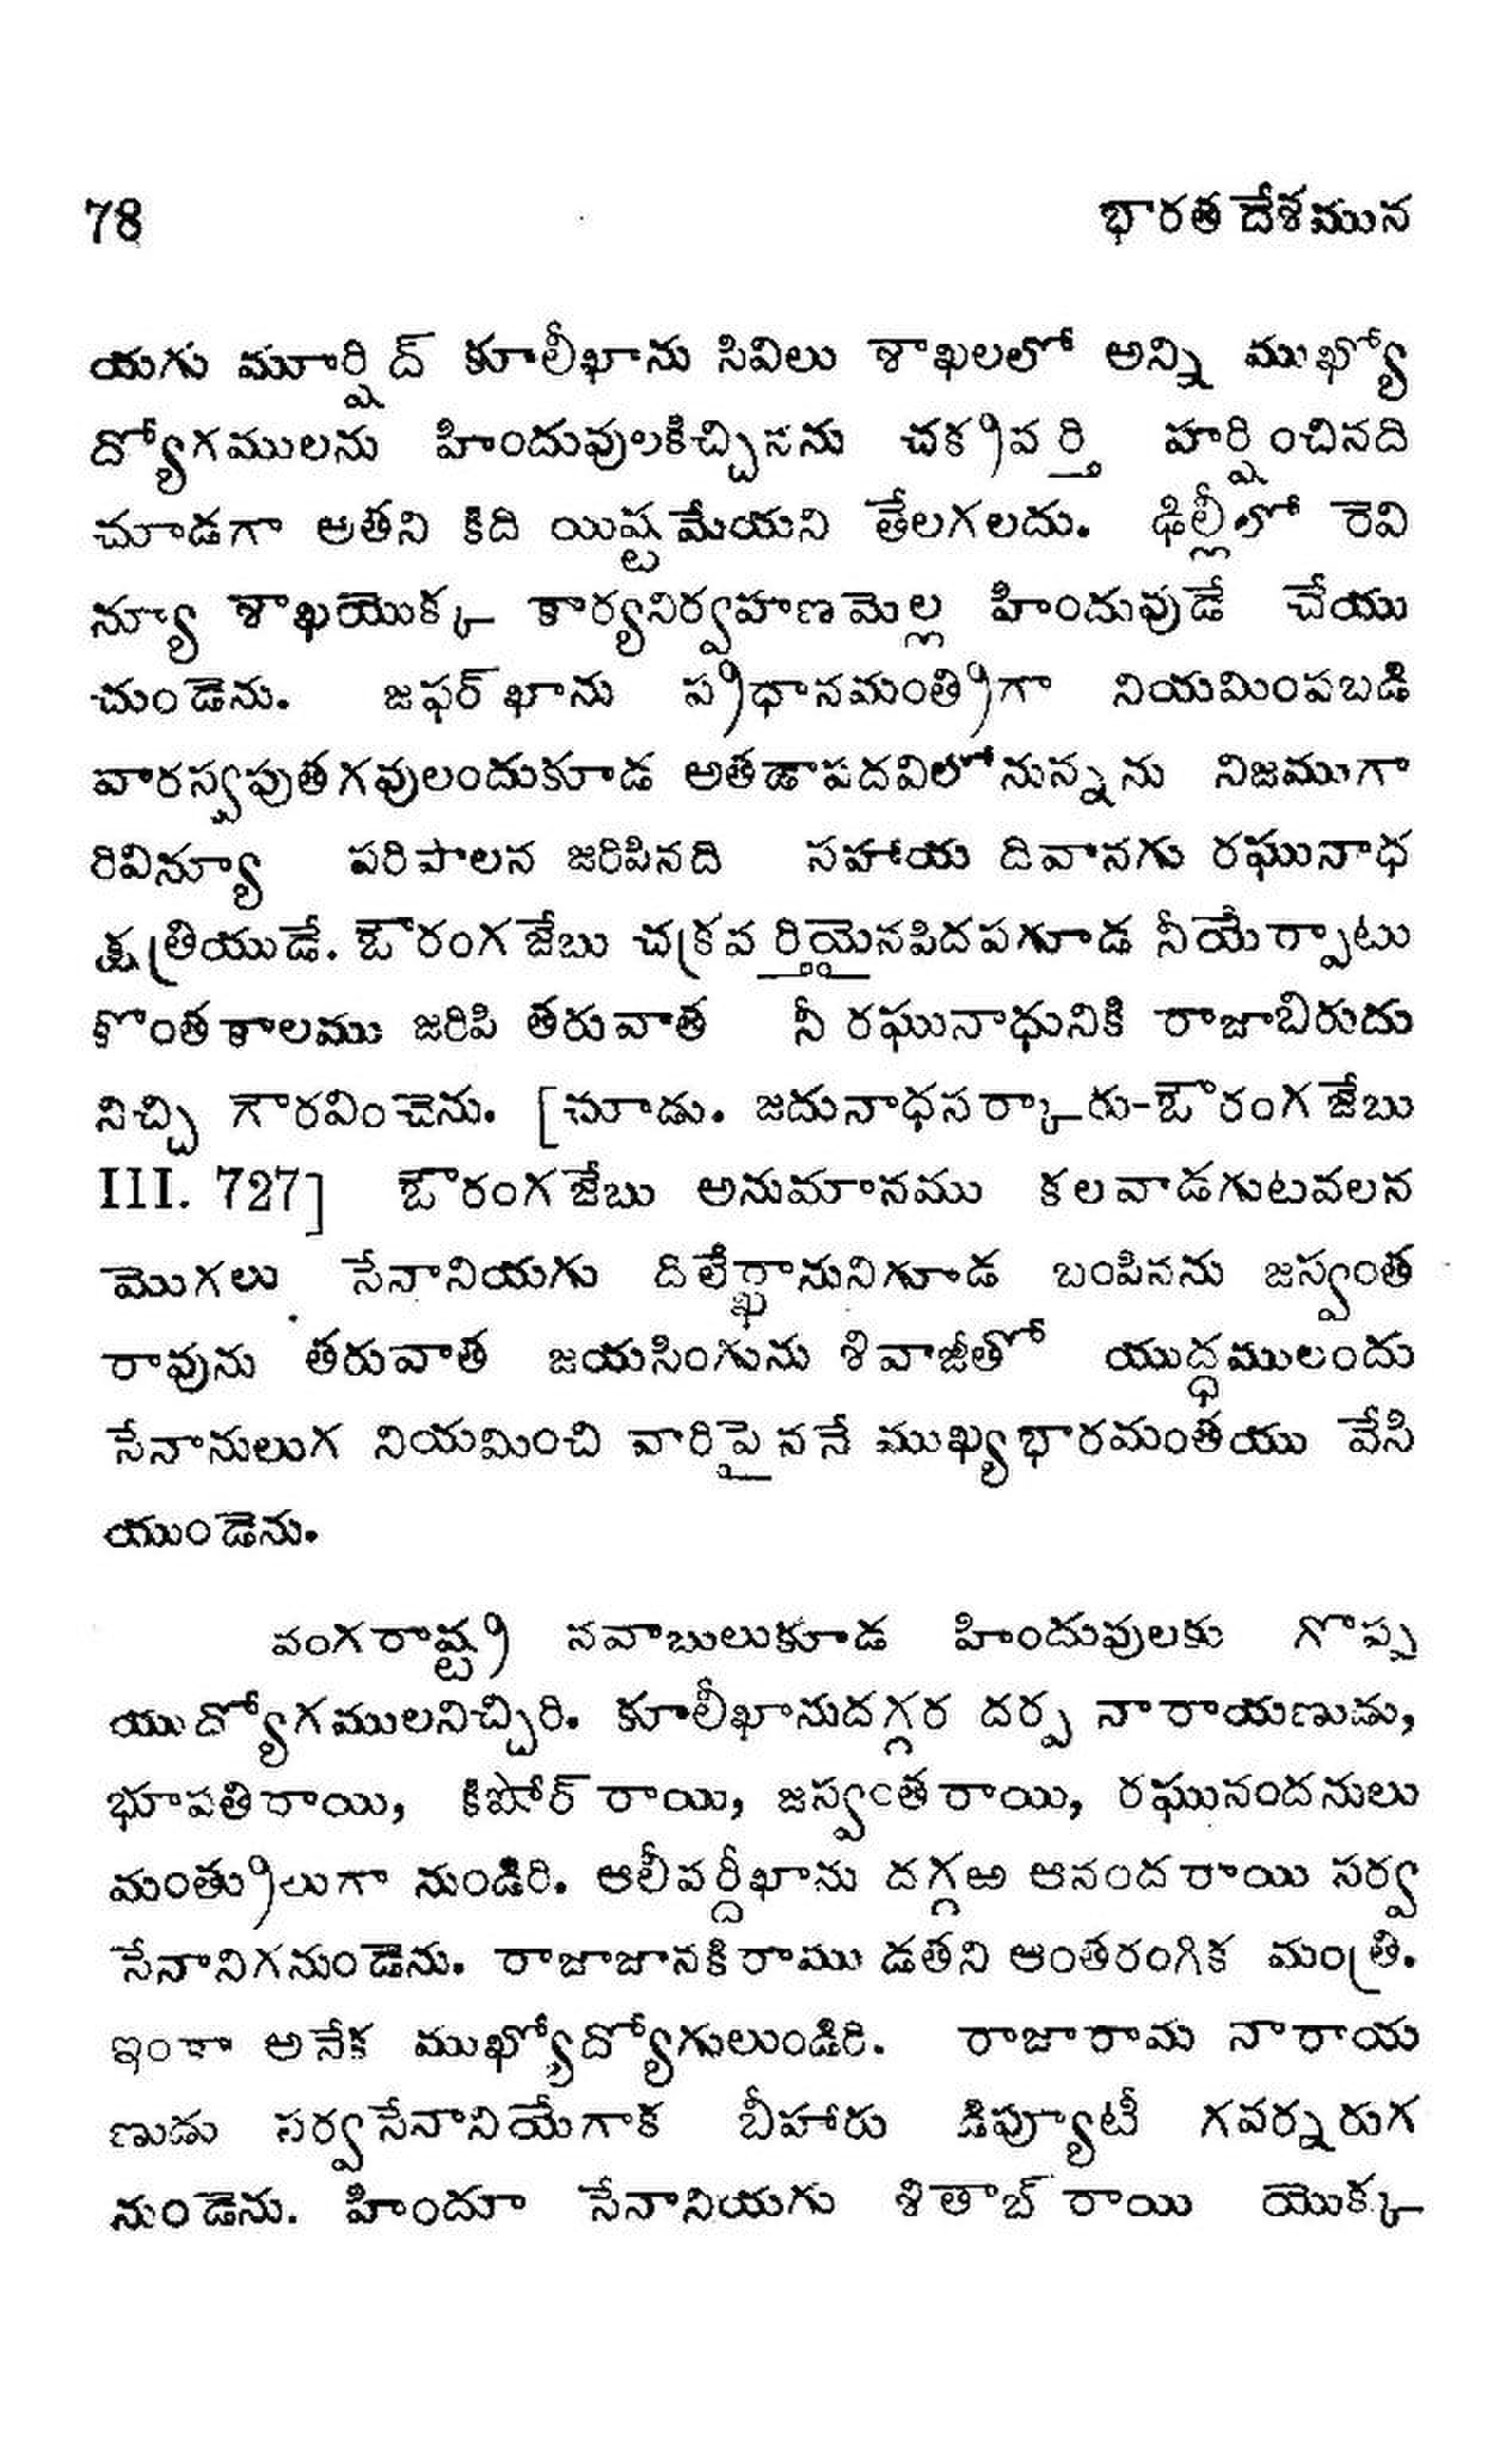యగు మూర్షిద్ కూలీఖాను సివిలు శాఖలలో అన్ని ముఖ్యోద్యోగములను హిందువులకిచ్చినను చక్రవర్తి హర్షించినది చూడగా అతని కిది యిష్టమేయని తేలగలదు. ఢిల్లీలో రెవిన్యూ శాఖయొక్క కార్యనిర్వహణమెల్ల హిందువుడే చేయుచుండెను. జఫర్‌ఖాను ప్రధానమంత్రిగా నియమింపబడి వారస్వపుతగవులందుకూడ అతడాపదవిలోనున్నను నిజముగా రివిన్యూ పరిపాలన జరిపినది సహాయ దివానగు రఘునాధ క్షత్రియుడే. ఔరంగజేబు చక్రవర్తియైనపిదపగూడ నీయేర్పాటు కొంతకాలము జరిపి తరువాత నీ రఘునాధునికి రాజాబిరుదు నిచ్చి గౌరవించెను. (చూడు. జదునాధసర్కారు-ఔరంగ జేబు III. 727] ఔరంగజేబు అనుమానము కలవాడగుటవలన మొగలు సేనానియగు దిలేర్ఖానునిగూడ బంపినను జస్వంతరావును తరువాత జయసింగును శివాజీతో యుద్ధములందు సేనానులుగ నియమించి వారిపైననే ముఖ్యభారమంతయు వేసి యుండెను.

వంగరాష్ట్ర నవాబులుకూడ హిందువులకు గొప్ప యుద్యోగములనిచ్చిరి. కూలీఖానుదగ్గర దర్ప నారాయణుడు, భూపతిరాయి, కిషోర్ రాయి, జస్వంతరాయి, రఘునందనులు మంత్రులుగా నుండిరి. ఆలీవర్దీఖాను దగ్గఱ ఆనందరాయి సర్వసేనానిగనుండెను. రాజాజానకిరాము డతని ఆంతరంగిక మంత్రి. ఇంకా అనేక ముఖ్యోద్యోగులుండిరి. రాజారామ నారాయణుడు సర్వసేనానియేగాక బీహారు డిప్యూటీ గవర్నరుగ నుండెను. హిందూ సేనానియగు శితాబ్‌రాయి యొక్క